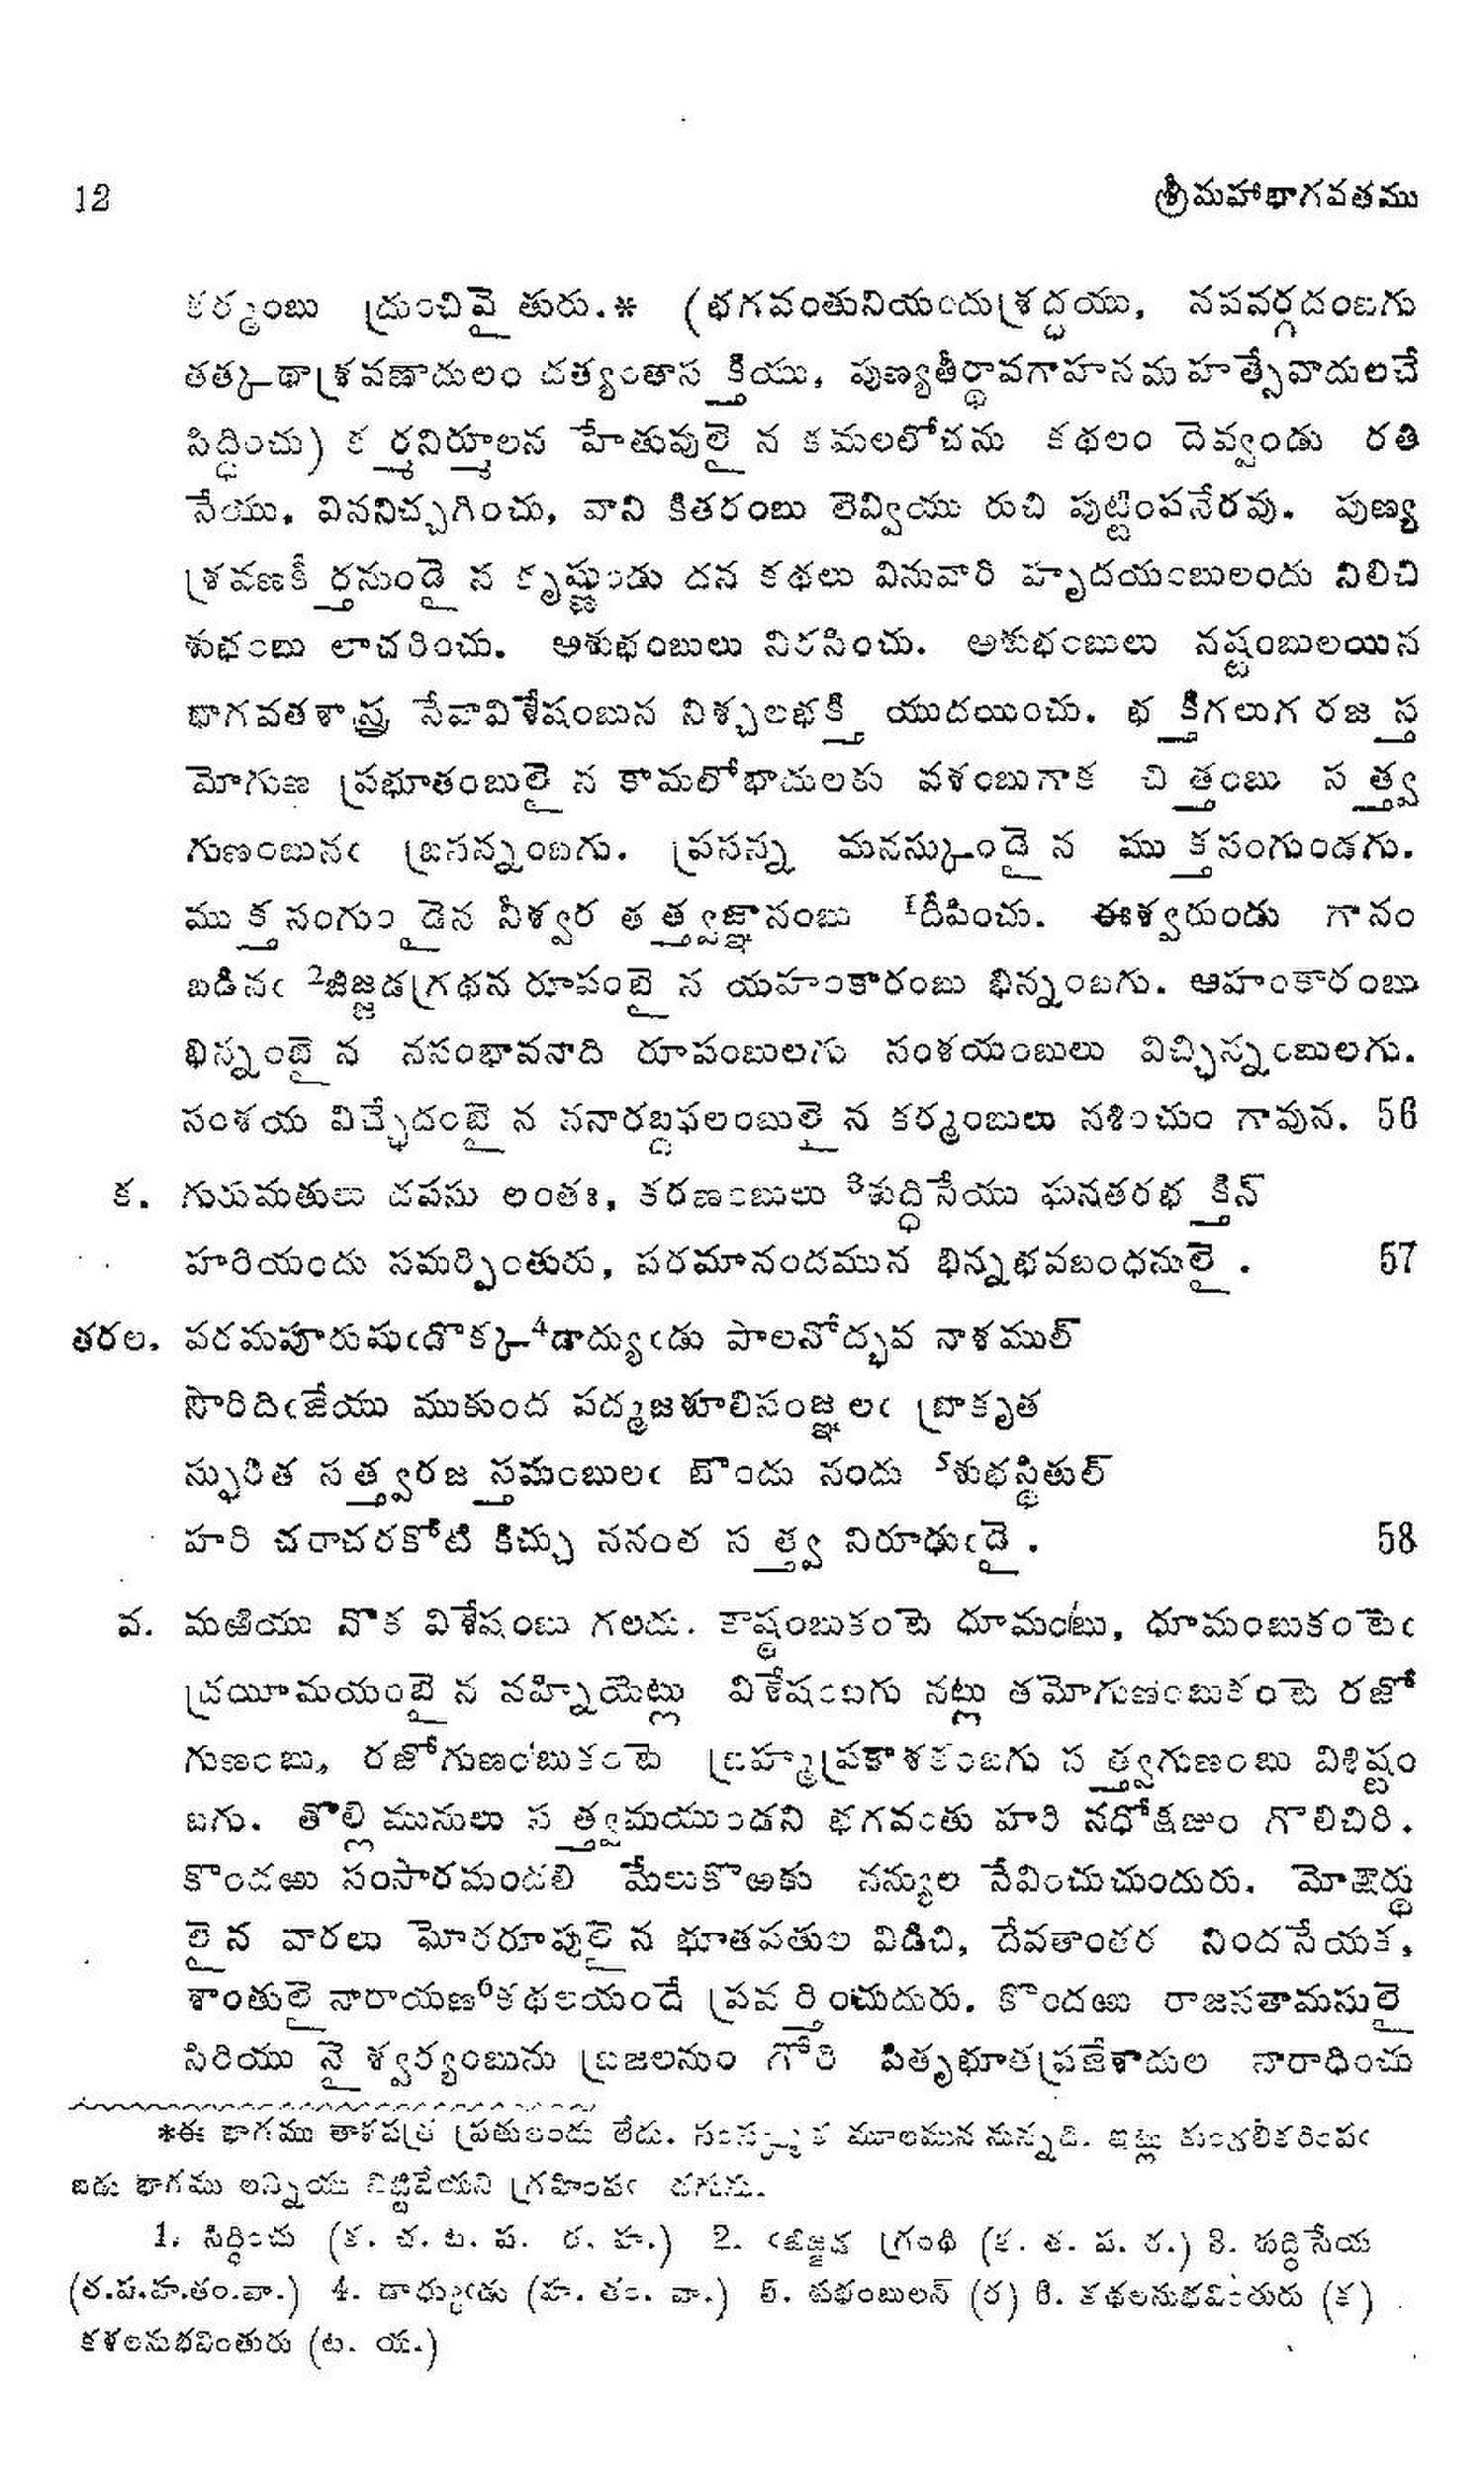12

కర్మంబుఁ ద్రుంచి వైతురు. (భగవంతునియందు శ్రద్ధయుఁ దత్కథా శ్రవణాదులం దత్యంతాసక్తియుఁ బుణ్యతీర్థావగాహన మహత్సేవాదులచే సిద్ధించును) కర్మనిర్మూలన హేతువులైన కమలలోచను కథలం దెవ్వండు రతి చేయి నిచ్చగించు వాని కితరంబులెవ్వియు రుచి వుట్టింపనేఱవు. పుణ్యశ్రవణ కీర్తనుండైన కృష్ణుండు తన కథలు వినువారి హృదయంబులందు నిలిచి శుభంబు లాచరించు. అశుభంబులు నష్టంబులయిన భాగవత శాస్త్రసేవా విశేషంబున నిశ్చల భక్తి యుదయించు. భక్తి కలుగ రజస్తమోగుణ ప్రభూతంబులైన కామక్రోధాదులకు వశంబు గాక చిత్తంబు సత్త్వగుణంబునఁ బ్రసన్నంబగు. ప్రసన్న మనస్కుండైన ముక్తసంగుండగు. ముక్తసంగుండైన నీశ్వర తత్త్వజ్ఞానంబు దీపించు. ఈశ్వరుండు కానంబడినఁ జిజ్జడ గ్రథన రూపంబైన యహంకారంబు భిన్నంబగు. అహంకారంబు భిన్నంబైన నసంభావనాది రూపంబులగు సంశయంబులు విచ్ఛిన్నంబులగు. సంశయ విచ్ఛేదంబైన ననారబ్ధ ఫలంబులైన కర్మంబులు నశించుం గావున, (1-56)

కం. గురుమతులు తపసు లంత: , కరణంబులు శుద్ధి సేయు ఘనతరభక్తిన్

హరియందు సమర్పింతురు, పరమానందమున భిన్న భవ బంధనులై. (1-57)

తరల వృత్తము :- పరమపూరుషుఁ డొక్కఁ డాఢ్యుఁడు పాలనోద్భవ నాశముల్

సొరిదిఁ జేయు ముకుంద పద్మజ శూలిసంజ్ఞలఁ బ్రాకృత

స్ఫురిత సత్త్వ రజస్ తమంబులఁ బొందు నందు శుభస్థితుల్

హరి చరాచర కోటి కిచ్చు ననంత సత్త్వ నిరూఢుఁడై. (1-58)

వ. మఱియు నొక విశేషంబు కలదు. కాష్ఠంబున కంటె ధూమంబు, ధూమంబున కంటెఁ ద్రయీమయంబైన వహ్ని యెట్లు విశేషంబగు నట్లు తమోగుణంబున కంటె రజోగుణంబు, రజోగుణంబున కంటె బ్రహ్మప్రకాశకంబగు సత్త్వగుణంబు విశిష్టంబగు. తొల్లి మునులు సత్త్వమయుండని హరి నధోక్షజుం గొలిచిరి. కొందఱు సంసారమందలి మేలు కొఱకు నన్యుల సేవించుచుందురు. మోక్షార్థులైన వారలు ఘోరరూపులైన భూతపతుల విడిచి దేవతాంతర నింద సేయక శాంతులై నారాయణ కథలయందే ప్రవర్తింతురు. కొందఱు రాజస తామసులై సిరియు నైశ్వర్యంబును బ్రజలను గోరి పితృభూత ప్రజేశాదుల నారాధించుదురు.